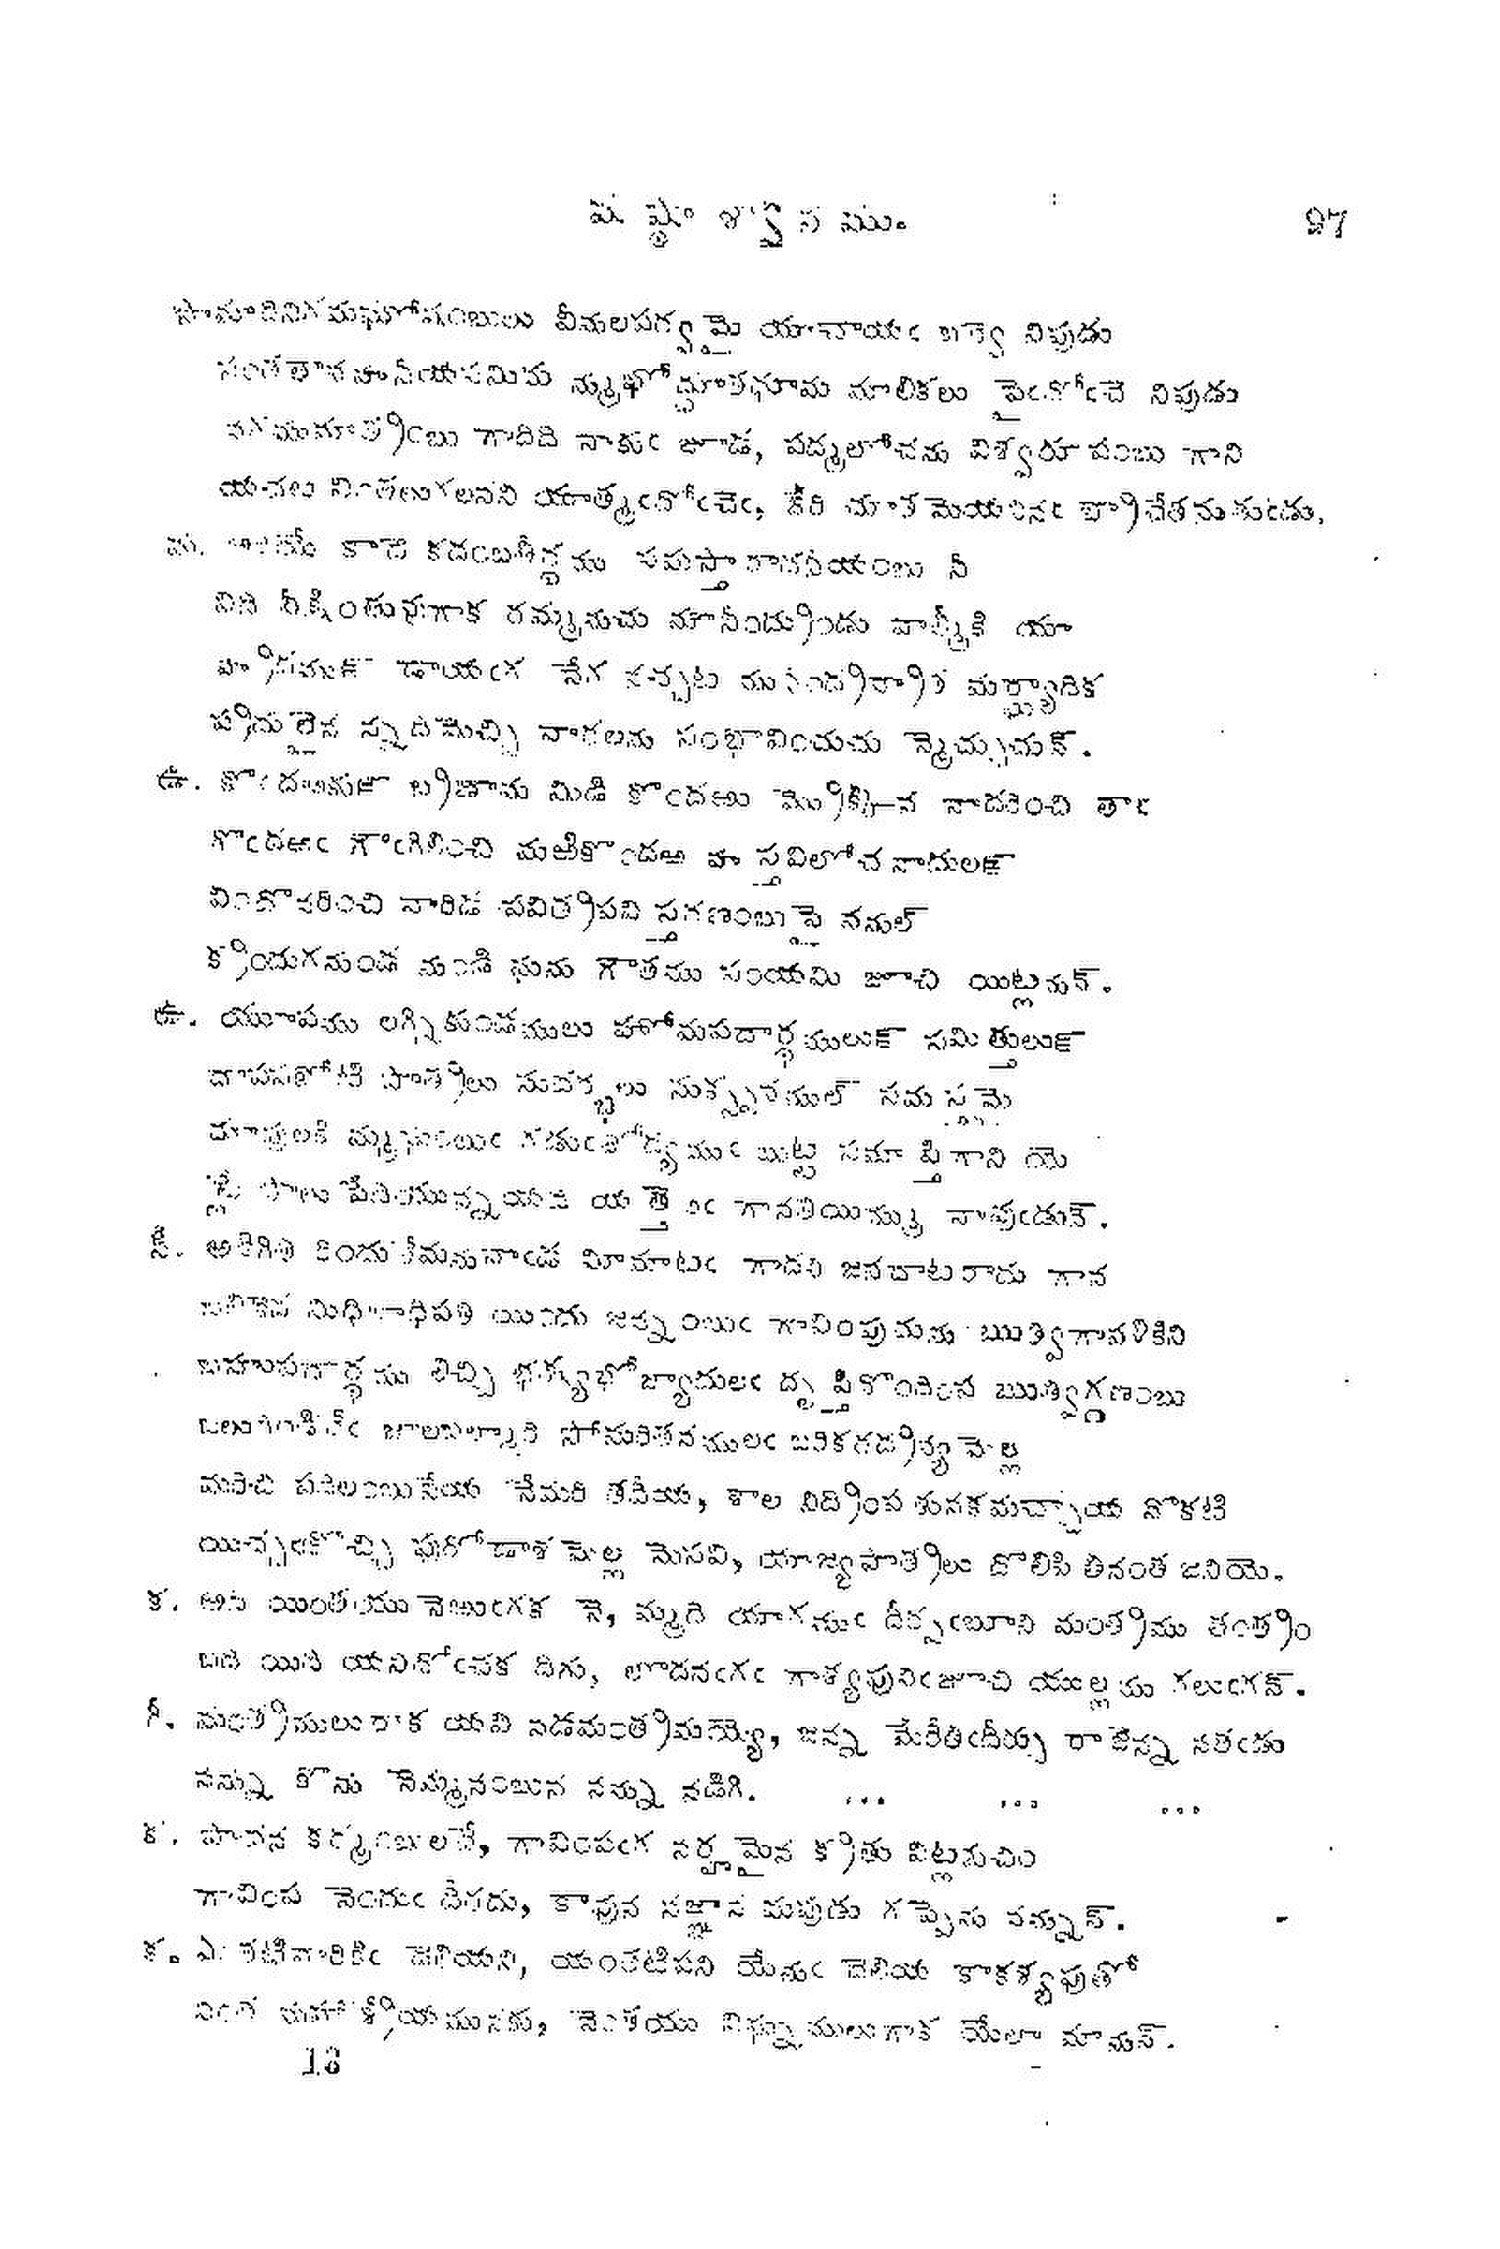సామాదినిగమఘోషంబులు వీనులపర్వమై యాచాయఁ బర్వె నిపుడు
 సంతతావహనీయసమిదున్ముఖోద్ధూతధూమమాలికలు పైఁదోఁచె నిపుడు
 నగముమాత్రంబు గాదిది నాకుఁ జూడ, పద్మలోచను విశ్వరూపంబు గాని
 యచట వింతలుగలనని యాత్మఁదోఁచెఁ, జేరి చూతమెయనినఁ బ్రాచేతనుతుఁడు.
మ. అదియే కాదె కదంబతీర్థము సమస్తారాచనీయంబు నీ
 విది నీక్షింతువు గాక రమ్మనుచు మౌనీంద్రుండు వాల్మీకి యా
 హ్రదమున్ డాయఁగ నేగ నచ్చట మునీంద్రవ్రాత మర్ఘ్యాధిక
 ప్రదులైన న్నది మెచ్చి వారలను సంభావించుచు న్మెచ్చుచున్.
ఉ. కొందఱకున్ బ్రణామ మిడి కొందఱు మ్రొక్కిన నాదరించి తాఁ
 గొందఱఁ గౌఁగిలించి మఱికొందఱ హస్తవిలోచనాదులన్
 విందొనరించి వారిడ పవిత్రపవిస్తరణంబుపై ననుల్
 క్రందుగనుండ నుండి ఘను గౌతము సంయమి జూచి యిట్లనున్.
ఉ. యూపము లగ్నికుండములు హోమపదార్థములున్ సమిత్తులున్
 దాపసకోటి పాత్రలు సుదర్భలు సుక్సృవముల్ సమస్తమై
 చూపుల కిమ్మఘంబుఁ గడుంఁజోద్యముఁ బుట్ట సమాప్తిగాని యె
 ట్లే పొలు పేదియున్నయది యత్తెఱఁ గానలియిమ్ము నావుఁడున్.
సీ. అడిగితి రిందులేమనువాఁడ మీమాటఁ గాదని జవదాటరాదు గాన
 బలికెద మిథిలాధిపతి యిందు జన్నంబుఁ గావింపుచును ఋత్విగావళికిని
 బహుపదార్ధము లిచ్చి భక్ష్యభోజ్యాదులఁ దృప్తినొందింప ఋత్విగ్గణంబు
 బలుతిండిచేఁ జాలబల్మారిసోమరితనములఁ బరికరద్రవ్యమెల్ల
 మరిచి పదిలంబు సేయ నేమరి తదీయ, శాల నిద్రింప శునక మచ్చాయ నొకటి
 యిచ్చంకొచ్చి పురోడాశమెల్ల మెసవి, యాజ్యపాత్రలు దొలిపి తినంత జనియె.
క. అది యింతయు నెఱుఁగక నె, మ్మది యాగముఁ దీర్పఁబూని మంత్రము తంత్రం
 బది యిది యనిదోఁచక దిగు, లొదవఁగఁ గాశ్యపునిఁ జూచి యుల్లము గలుఁగన్.
గీ. మంత్రములు రాక యవి నడమంత్రమయ్యె, జన్న మేరీతిఁదీర్చు రాజెన్న నతఁడు
 నన్ను కొను నెమ్మనంబున నన్ను నడిగి,...................................
క. పావన కర్మంబులచే, గావింపఁగ నర్హమైన క్రతు విట్లశుచిం
 గావింప నెందుఁ దీరదు, కావున నజ్ఞాన మపుడు గప్పెను నన్నున్.
క. ఎంతటివారికిఁ దెలియని, యంతటిపని యేనుఁ దెలియ కాకశ్యపుతో
 నంత మహాశ్రేయమునకు, నెంతయు విఘ్నములుగాక యేలా మానున్.